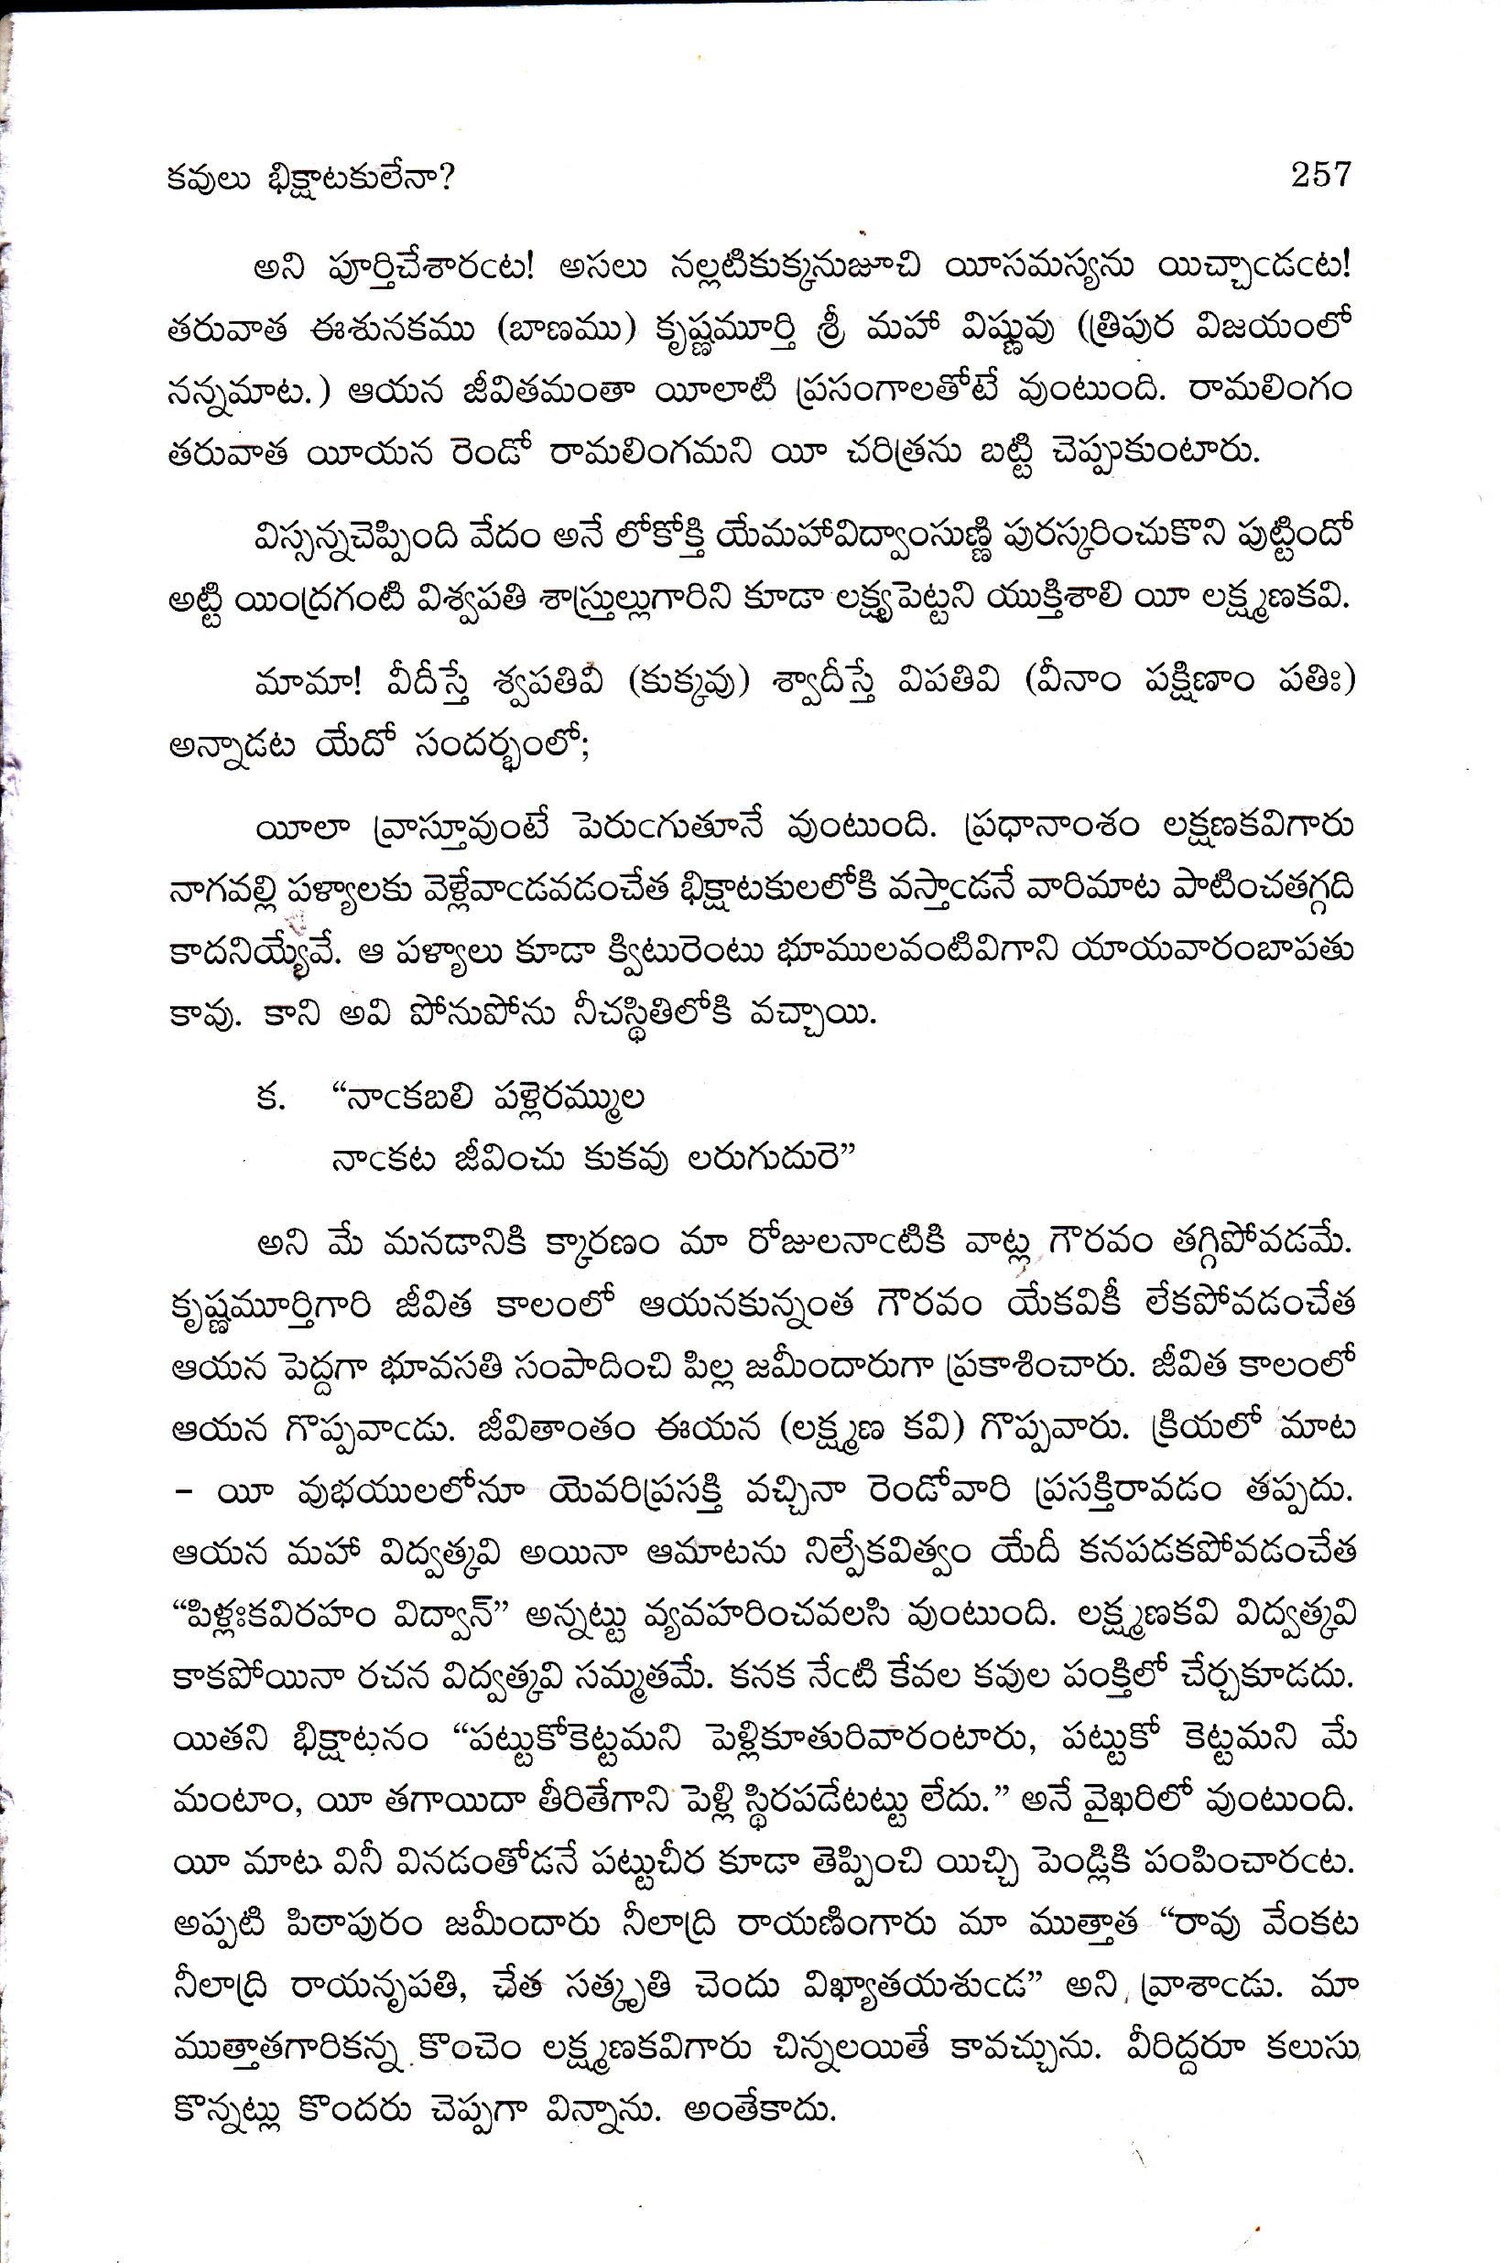అని పూర్తిచేశారఁట! అసలు నల్లటికుక్కనుజూచి యీసమస్యను యిచ్చాఁడఁట! తరువాత ఈశునకము (బాణము) కృష్ణమూర్తి శ్రీ మహా విష్ణువు (త్రిపుర విజయంలో నన్నమాట.) ఆయన జీవితమంతా యీలాటి ప్రసంగాలతోటే వుంటుంది. రామలింగం తరువాత యీయన రెండో రామలింగమని యీ చరిత్రను బట్టి చెప్పకుంటారు.

విస్సన్నచెప్పింది వేదం అనే లోకోక్తి యేమహావిద్వాంసుణ్ణి పురస్కరించుకొని పుట్టిందో అట్టి యింద్రగంటి విశ్వపతి శాస్త్రుల్లుగారిని కూడా లక్ష్యపెట్టని యుక్తిశాలి యీ లక్ష్మణకవి.

మామా! వీదీస్తే శ్వపతివి (కుక్కవు) శ్వాదీస్తే విపతివి (వీనాం పక్షిణాం పతిః) అన్నాడట యేదో సందర్భంలో;

యీలా వ్రాస్తూవుంటే పెరుఁగుతూనే వుంటుంది. ప్రధానాంశం లక్షణకవిగారు నాగవల్లి పళ్యాలకు వెళ్లేవాఁడవడంచేత భిక్షాటకులలోకి వస్తాఁడనే వారిమాట పాటించతగ్గది కాదనియ్యేవే. ఆ పళ్యాలు కూడా క్విటురెంటు భూములవంటివిగాని యాయవారంబాపతు కావు. కాని అవి పోనుపోను నీచస్థితిలోకి వచ్చాయి.

క. "నాఁకబలి పళ్లేరమ్ముల
 నాఁకట జీవించు కుకవు లరుగుదురె"
అని మే మనడానికి క్కారణం మా రోజులనాఁటికి వాట్ల గౌరవం తగ్గిపోవడమే. కృష్ణమూర్తిగారి జీవిత కాలంలో ఆయనకున్నంత గౌరవం యేకవికీ లేకపోవడంచేత ఆయన పెద్దగా భూవసతి సంపాదించి పిల్ల జమీందారుగా ప్రకాశించారు. జీవిత కాలంలో ఆయన గొప్పవాఁడు. జీవితాంతం ఈయన (లక్ష్మణ కవి) గొప్పవారు. క్రియలో మాట - యీ వుభయులలోనూ యెవరిప్రసక్తి వచ్చినా రెండోవారి ప్రసక్తిరావడం తప్పదు. ఆయన మహా విద్వత్కవి అయినా ఆమాటను నిల్పేకవిత్వం యేదీ కనపడకపోవడంచేత “పిళ్లఃకవిరహం విద్వాన్" అన్నట్టు వ్యవహరించవలసి వుంటుంది. లక్ష్మణకవి విద్వత్కవి కాకపోయినా రచన విద్వత్కవి సమ్మతమే. కనక నేఁటి కేవల కవుల పంక్తిలో చేర్చకూడదు. యితని భిక్షాటనం “పట్టుకోకెట్టమని పెళ్లికూతురివారంటారు, పట్టుకో కెట్టమని మే మంటాం, యీ తగాయిదా తీరితేగాని పెళ్లి స్థిరపడేటట్టు లేదు." అనే వైఖరిలో వుంటుంది. యీ మాట వినీ వినడంతోడనే పట్టుచీర కూడా తెప్పించి యిచ్చి పెండ్లికి పంపించారఁట. అప్పటి పిఠాపురం జమీందారు నీలాద్రి రాయణింగారు మా ముత్తాత “రావు వేంకట నీలాద్రి రాయనృపతి, చేత సత్కృతి చెందు విఖ్యాతయశుఁడ" అని, వ్రాశాఁడు. మా ముత్తాతగారికన్న కొంచెం లక్ష్మణకవిగారు చిన్నలయితే కావచ్చును. వీరిద్దరూ కలుసు కొన్నట్లు కొందరు చెప్పగా విన్నాను. అంతేకాదు.